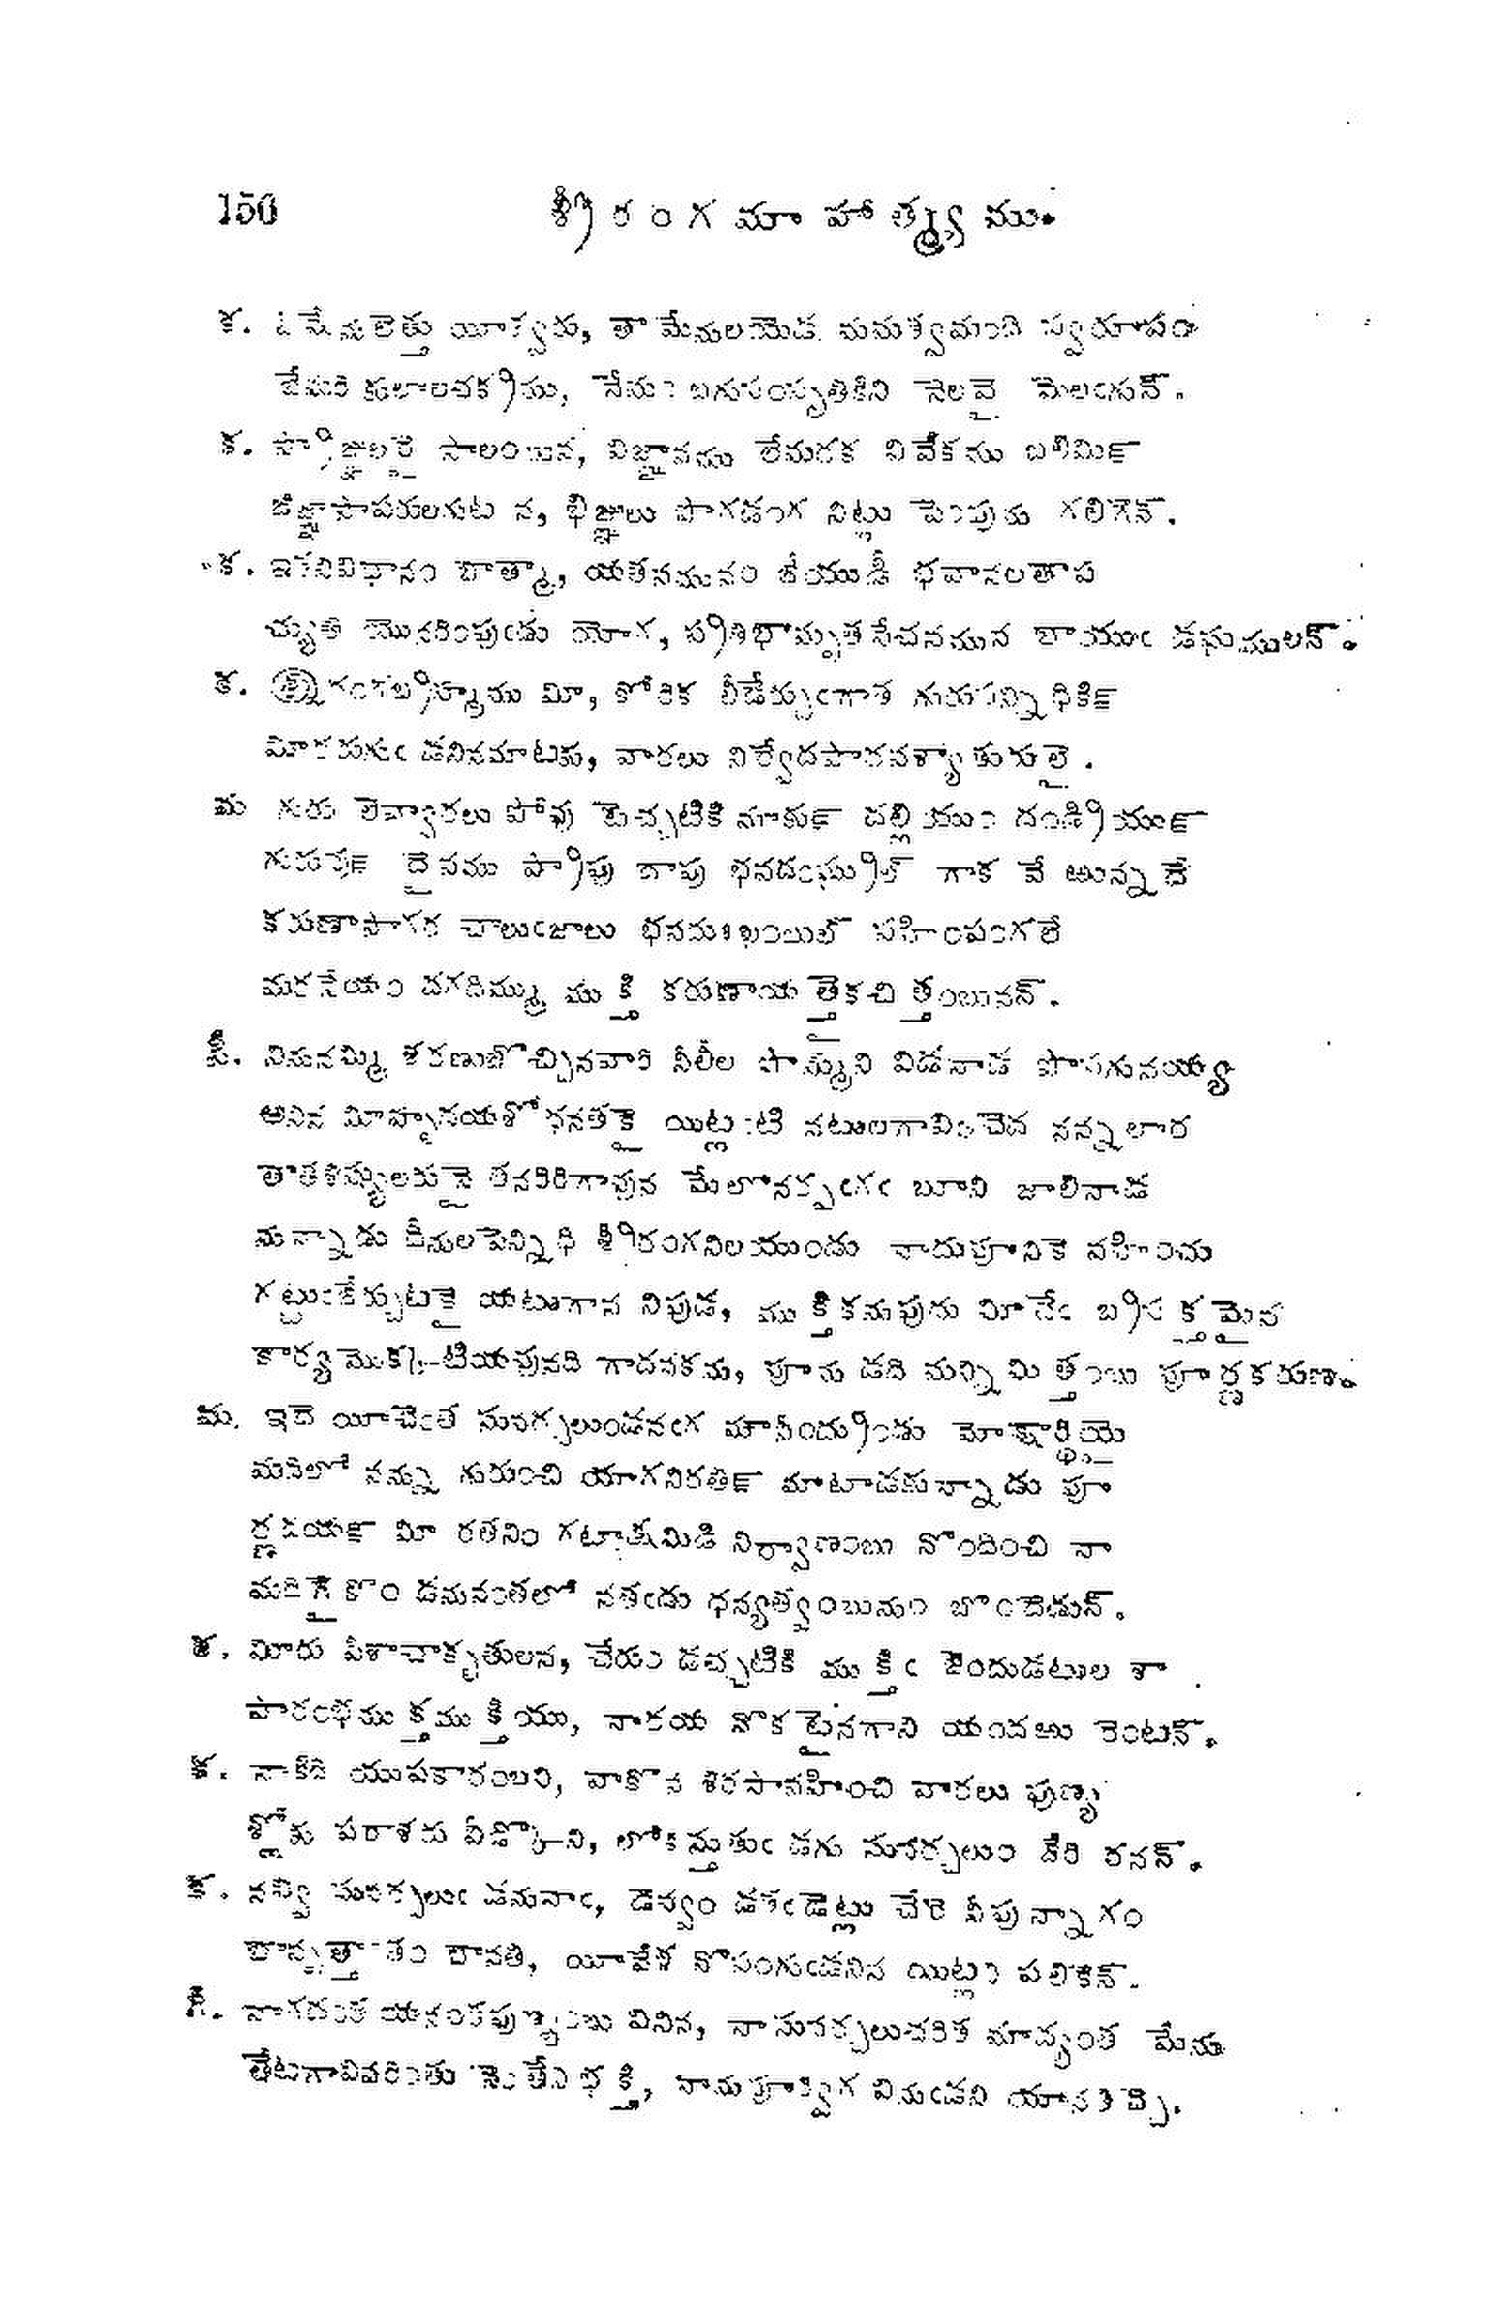క. ఏమేను లెత్తు యీశ్వరు, తా మేనులయెడ మమత్వమంది స్వరూపం
 బేమరి కులాలచక్రము, "నేమం బగు సంసృతికిని నెలవై మెలఁగున్.
క. ప్రాజ్ఞులరై సాలంబున, విజ్ఞానము లేమరక వివేకము బలిమిన్
 జిజ్ఞాసాపరులగుట న, భిజ్ఞులు పొగడంగ నిట్లు పెంపును గలిగెన్.
క. ఇతనివిధానం బాత్మా, యతనమునం జేయుడీ భవానలతాప
 చ్యుతి యొనరింపుఁడు యోగ, ప్రతిభామృతసేచనమున బాయుఁ డఘములన్.
క. శ్రీరంగబ్రహ్మము మీ, కోరిక లీడేర్చుఁగాత గురుసన్నిధికిన్
 మీరరుగుఁ డనినమాటకు, వారలు నిర్వేదపారవశ్యాతురులై.
మ. గురు లెవ్వారలు పోవు టెచ్చటికి మాకున్ దల్లియుం దండ్రియున్
 గురువున్ దైవము ప్రాపు దాపు భవదంఘ్రుల్ గాక వే ఱున్నదే
 కరుణాసాగర చాలుఁజాలు భవదుఃఖంబుల్ సహింపంగలే
 మరసేయం దగదిమ్ము ముక్తి కరుణాయత్తైకచిత్తంబునన్.
సీ. నిను నమ్మి శరణుజొచ్చినవారి నీలీల పొమ్మని విడనాడ పొసగునయ్య
 అనిన మీహృదయశోధనతకై యిట్లంటి నటుల గావించెద నన్నలార
 తాతశిష్యులరునై తనరిరిగావున మే లొనర్పఁగఁ బూని జాలినాడ
 నున్నాడు దీనులపెన్నిధి శ్రీరంగనిలయుండు నాదుపూనికె వహించు
 గట్టుఁ జేర్చుటకై యటుగాన నిపుడ, ముక్తి కనుపుదు మీచే బ్రసక్తమైన
 కార్య మొక్కటి యవునది గాదనకను, పూను డది మన్నిమిత్తంబు పూర్ణకరుణ.
మ. ఇదె యీచెంత సువర్చలుండనఁగ మౌనీంద్రుండు మోక్షార్థియై
 మదిలో నన్ను గురుంచి యాగనిరతిన్ మాటాడకున్నాడు పూ
 ర్ణదయన్ మీ రతనిం గటాక్షమిడి నిర్వాణంబు నొందించి నా
 మది గైకొం డనునంతలో నతఁడు ధన్యత్వంబునుం బొందెడున్.
క. మీరు పిశాచాకృతులన, చేరుం డచ్చటికి ముక్తిఁ జెందుడటుల శా
 పారంభముక్తముక్తియు, నారయ నొకటైనగాని యందఱు రెంటన్.
క. నా కిది యుపకారంబని, వాకొన శిరసావహించి వారలు పుణ్య
 శ్లోకు పరాశరు వీడ్కొని, లోకస్తుతుఁ డగు సువర్చలుం జేరి రనన్.
క. నవ్వి సువర్చలుం డనువాఁ, డెవ్వం డతఁడెట్లు చేరె నీపున్నాగం
 బావృత్తాంతం బానతి, యీవేళ నొసంగుఁడనిన యిట్లని పలికిన్.
గీ. నాగదంతనమనంతపుణ్యంబు వినిన, నాసువర్చలుచరిత్ర మాద్యంత మేను
 తేటగా వివరింతు నెంతేని భక్తి, నానుపూర్విగ వినుఁడని యానతిచ్చె.